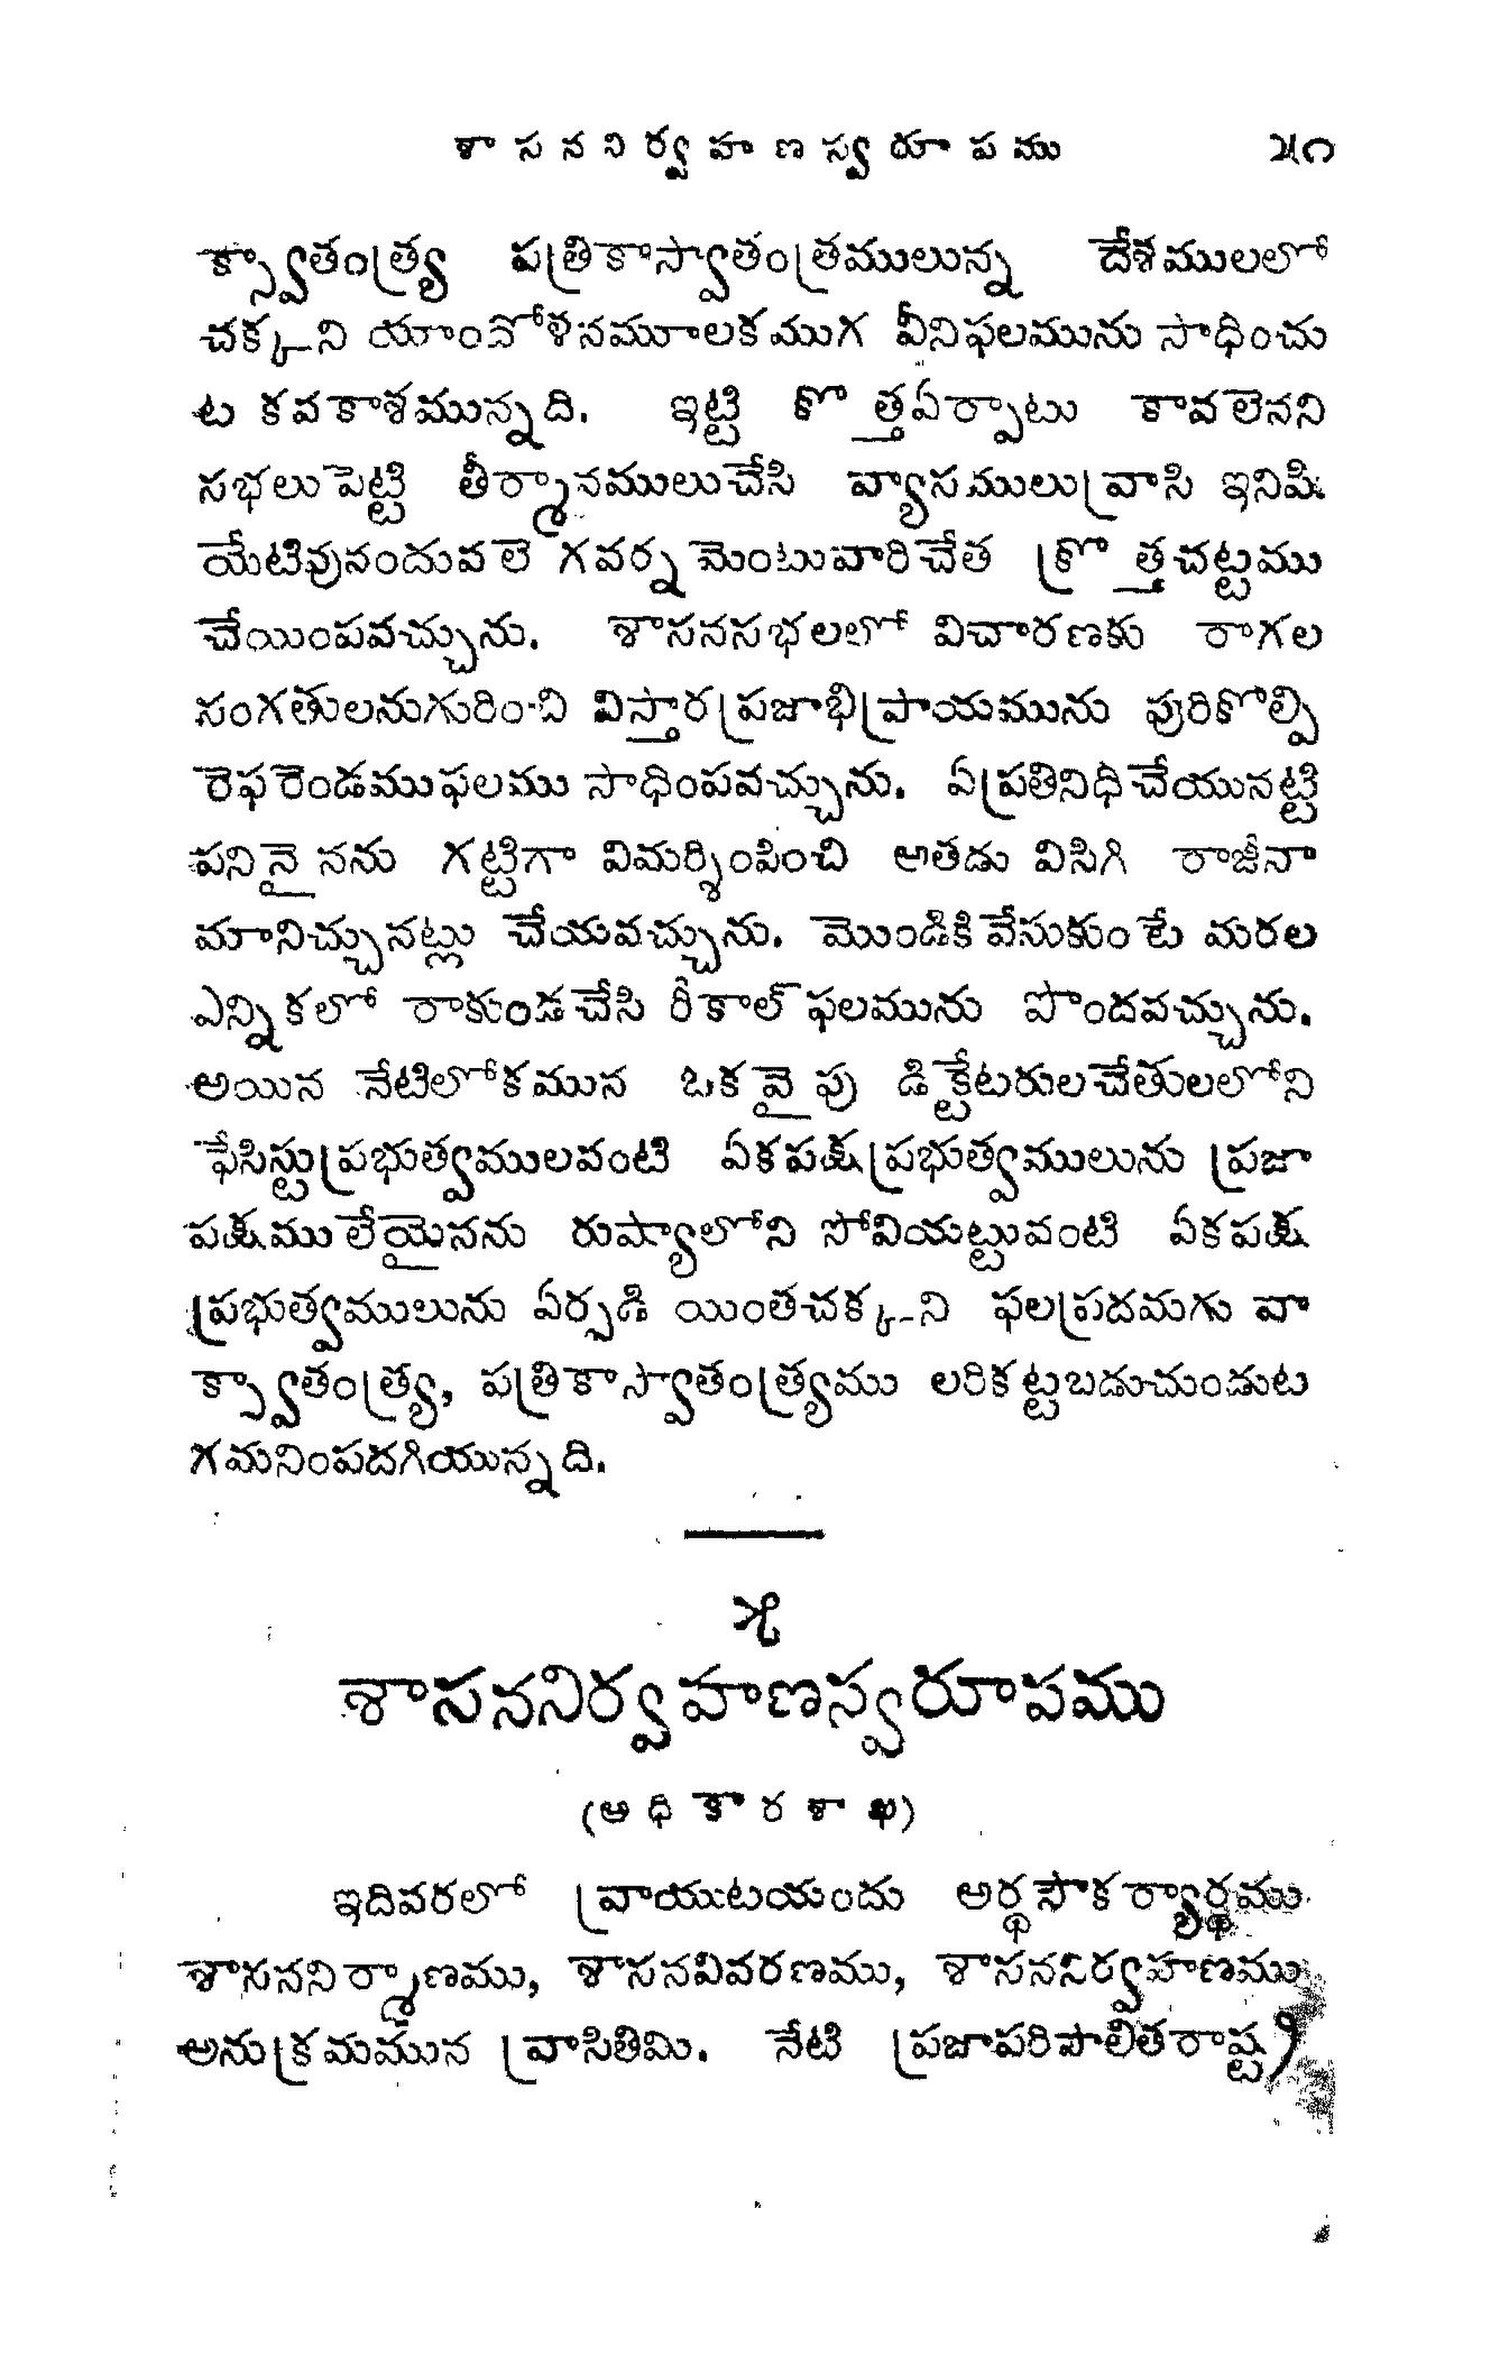క్స్వాతంత్ర్య పత్రికాస్వాతంత్రములున్న దేశములలో చక్కని యాందోళనమూలకముగ వీనిఫలమును సాధించుట కవకాశమున్నది. ఇట్టి కొత్తఏర్పాటు కావలెనని సభలుపెట్టి తీర్మానములుచేసి వ్యాసములు వ్రాసి ఇనిషియేటివునందువలె గవర్నమెంటువారిచేత క్రొత్తచట్టము చేయింపవచ్చును. శాసనసభలలో విచారణకు రాగల సంగతులనుగురించి విస్తారప్రజాభిప్రాయమును పురికొల్పి రెఫరెండముఫలము సాధింపవచ్చును. ఏప్రతినిధిచేయునట్టి పనినైనను గట్టిగా విమర్శింపించి అతడు విసిగి రాజీనామానిచ్చునట్లు చేయవచ్చును. మొండికివేసుకుంటే మరల ఎన్నికలో రాకుండచేసి రీకాల్ ఫలమును పొందవచ్చును. అయిన నేటిలోకమున ఒకవైపు డిక్టేటరులచేతులలోని ఫేసిస్టు ప్రభుత్వములవంటి ఏకపక్ష ప్రభుత్వములును ప్రజాపక్షములేయైనను రుష్యాలోని సోవియట్టువంటి ఏకపక్ష ప్రభుత్వములును ఏర్పడి యింతచక్కని ఫలప్రదమగు వాక్స్వాతంత్ర్య, పత్రికాస్వాతంత్ర్యము లరికట్టబడుచుండుట గమనింపదగియున్నది.

_________

5
శాసననిర్వహణస్వరూపము

ఇదివరలో వ్రాయుటయందు అర్థసౌకర్యార్థము శాసననిర్మాణము, శాసనవివరణము, శాసననిర్వహణము, అనుక్రమమున వ్రాసితిమి, నేటి ప్రజాపరిపాలితరాష్ట్ర